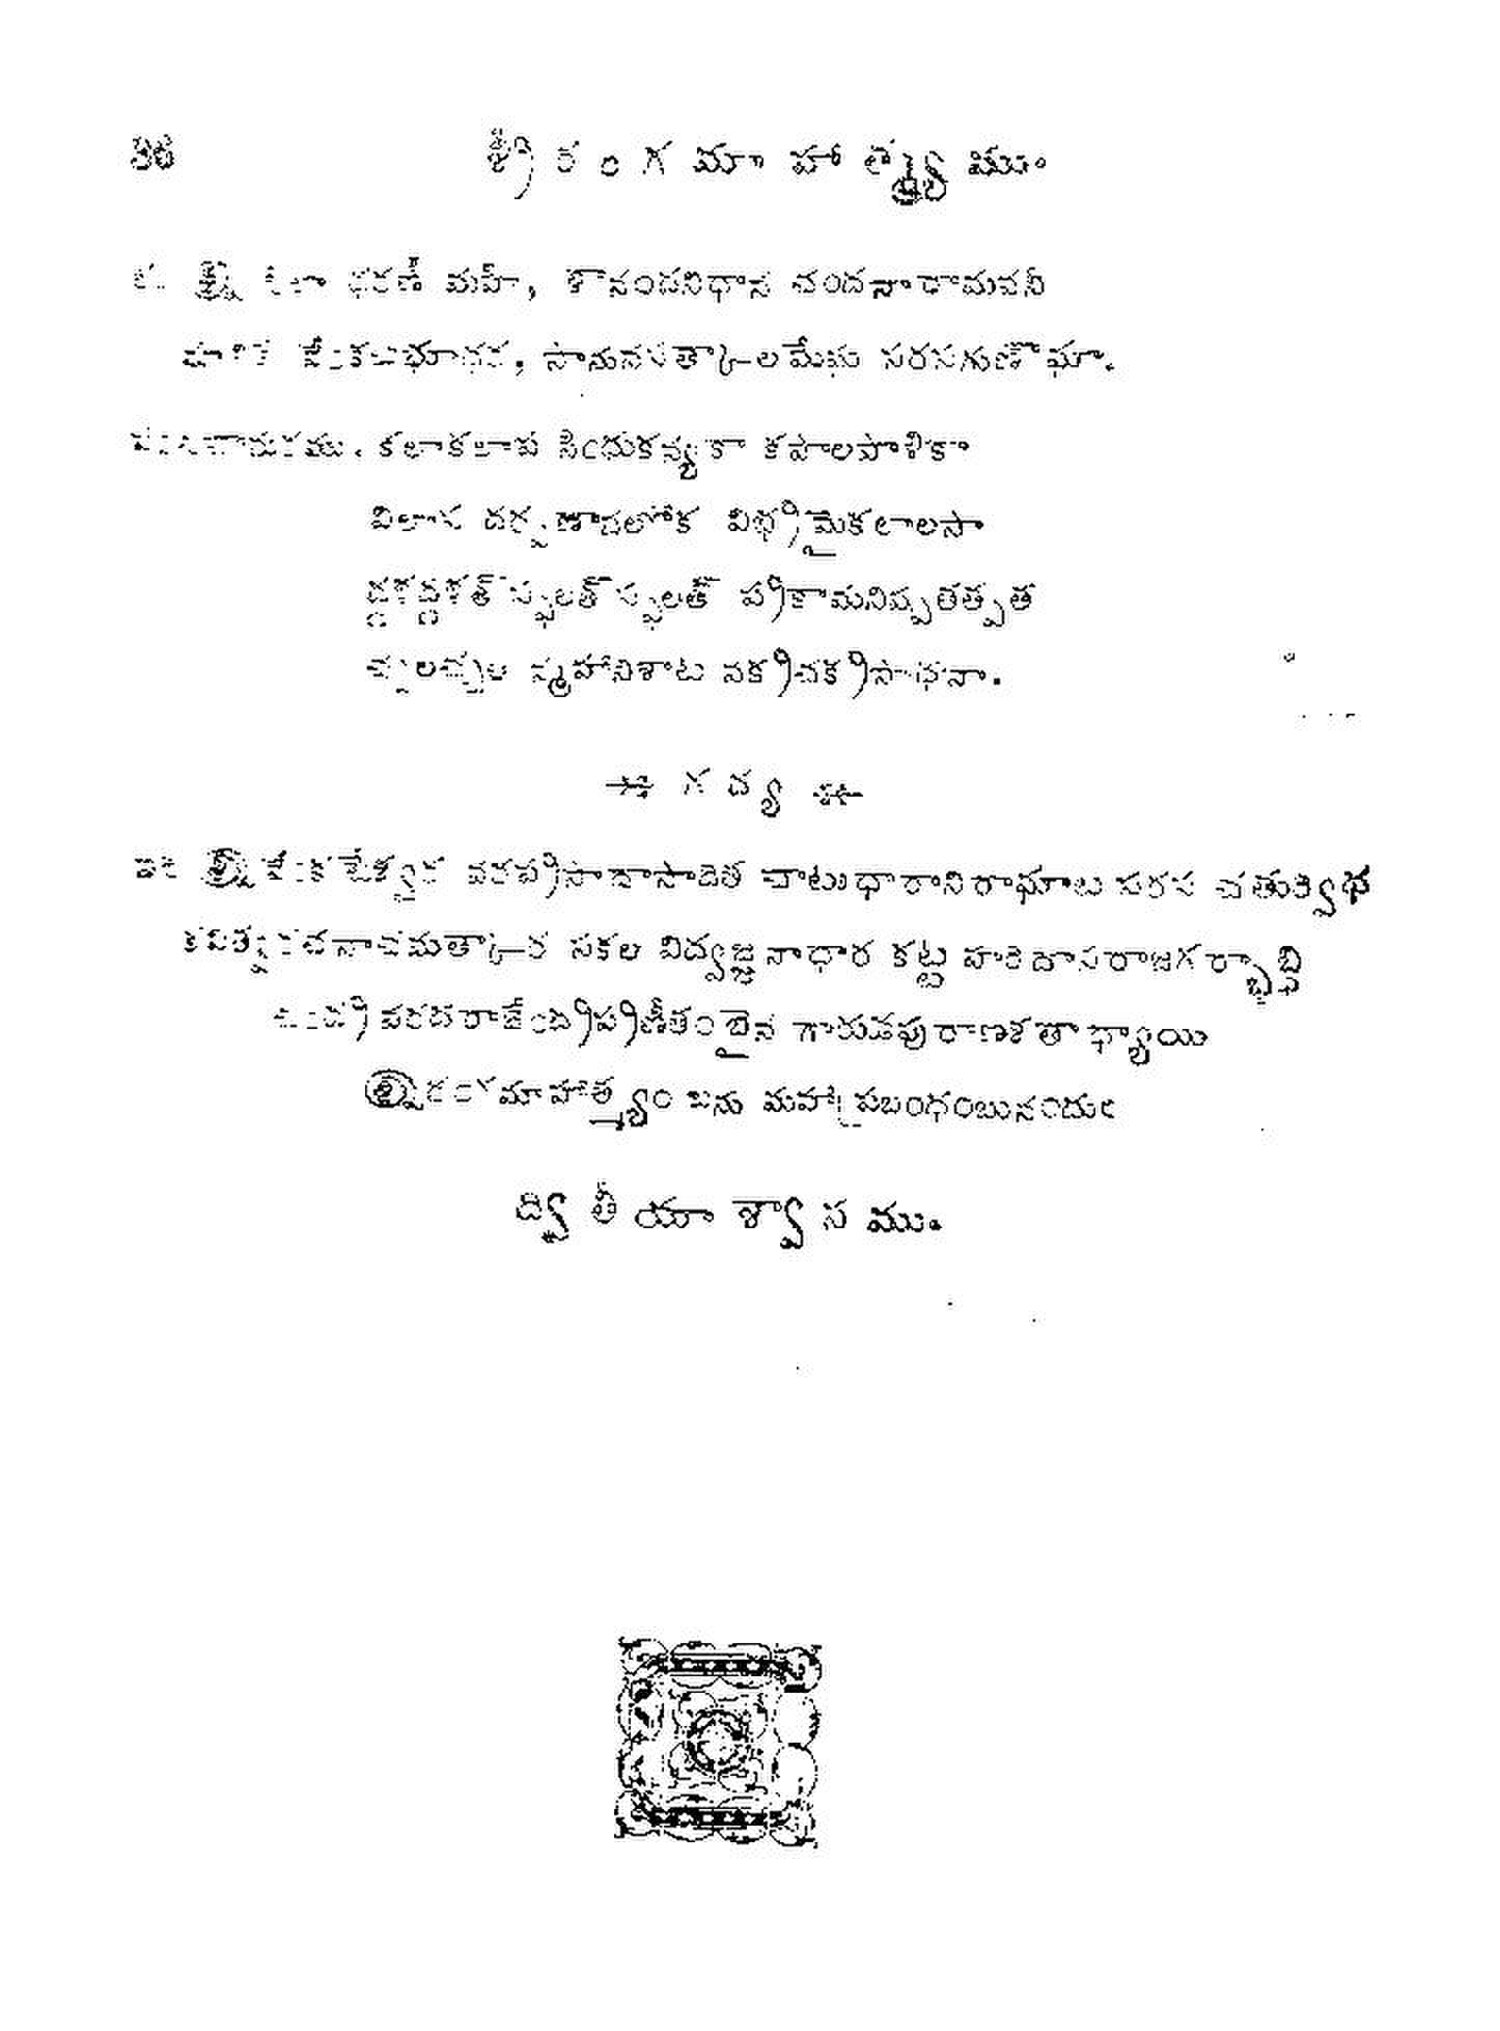క. శ్రీనీలాధరణీ మహి, ళానందనిధాన చందనారామవనీ
 మానిత వేంకటభూధర, సానునసత్కాలమేఘ సరసగుణౌఘా.
పంచచామరము. కలాకలాప సింధుకన్యకా కహలపాళికా
 విలాస దర్పణావలోక విభ్రమైకలాలసా
 ద్గళద్గళత్ స్ఫలత్ స్ఫలత్ ప్రకామనిష్పతత్పత
 చ్చలచ్చల న్మహానిశాట నక్రచక్రసాధనా.